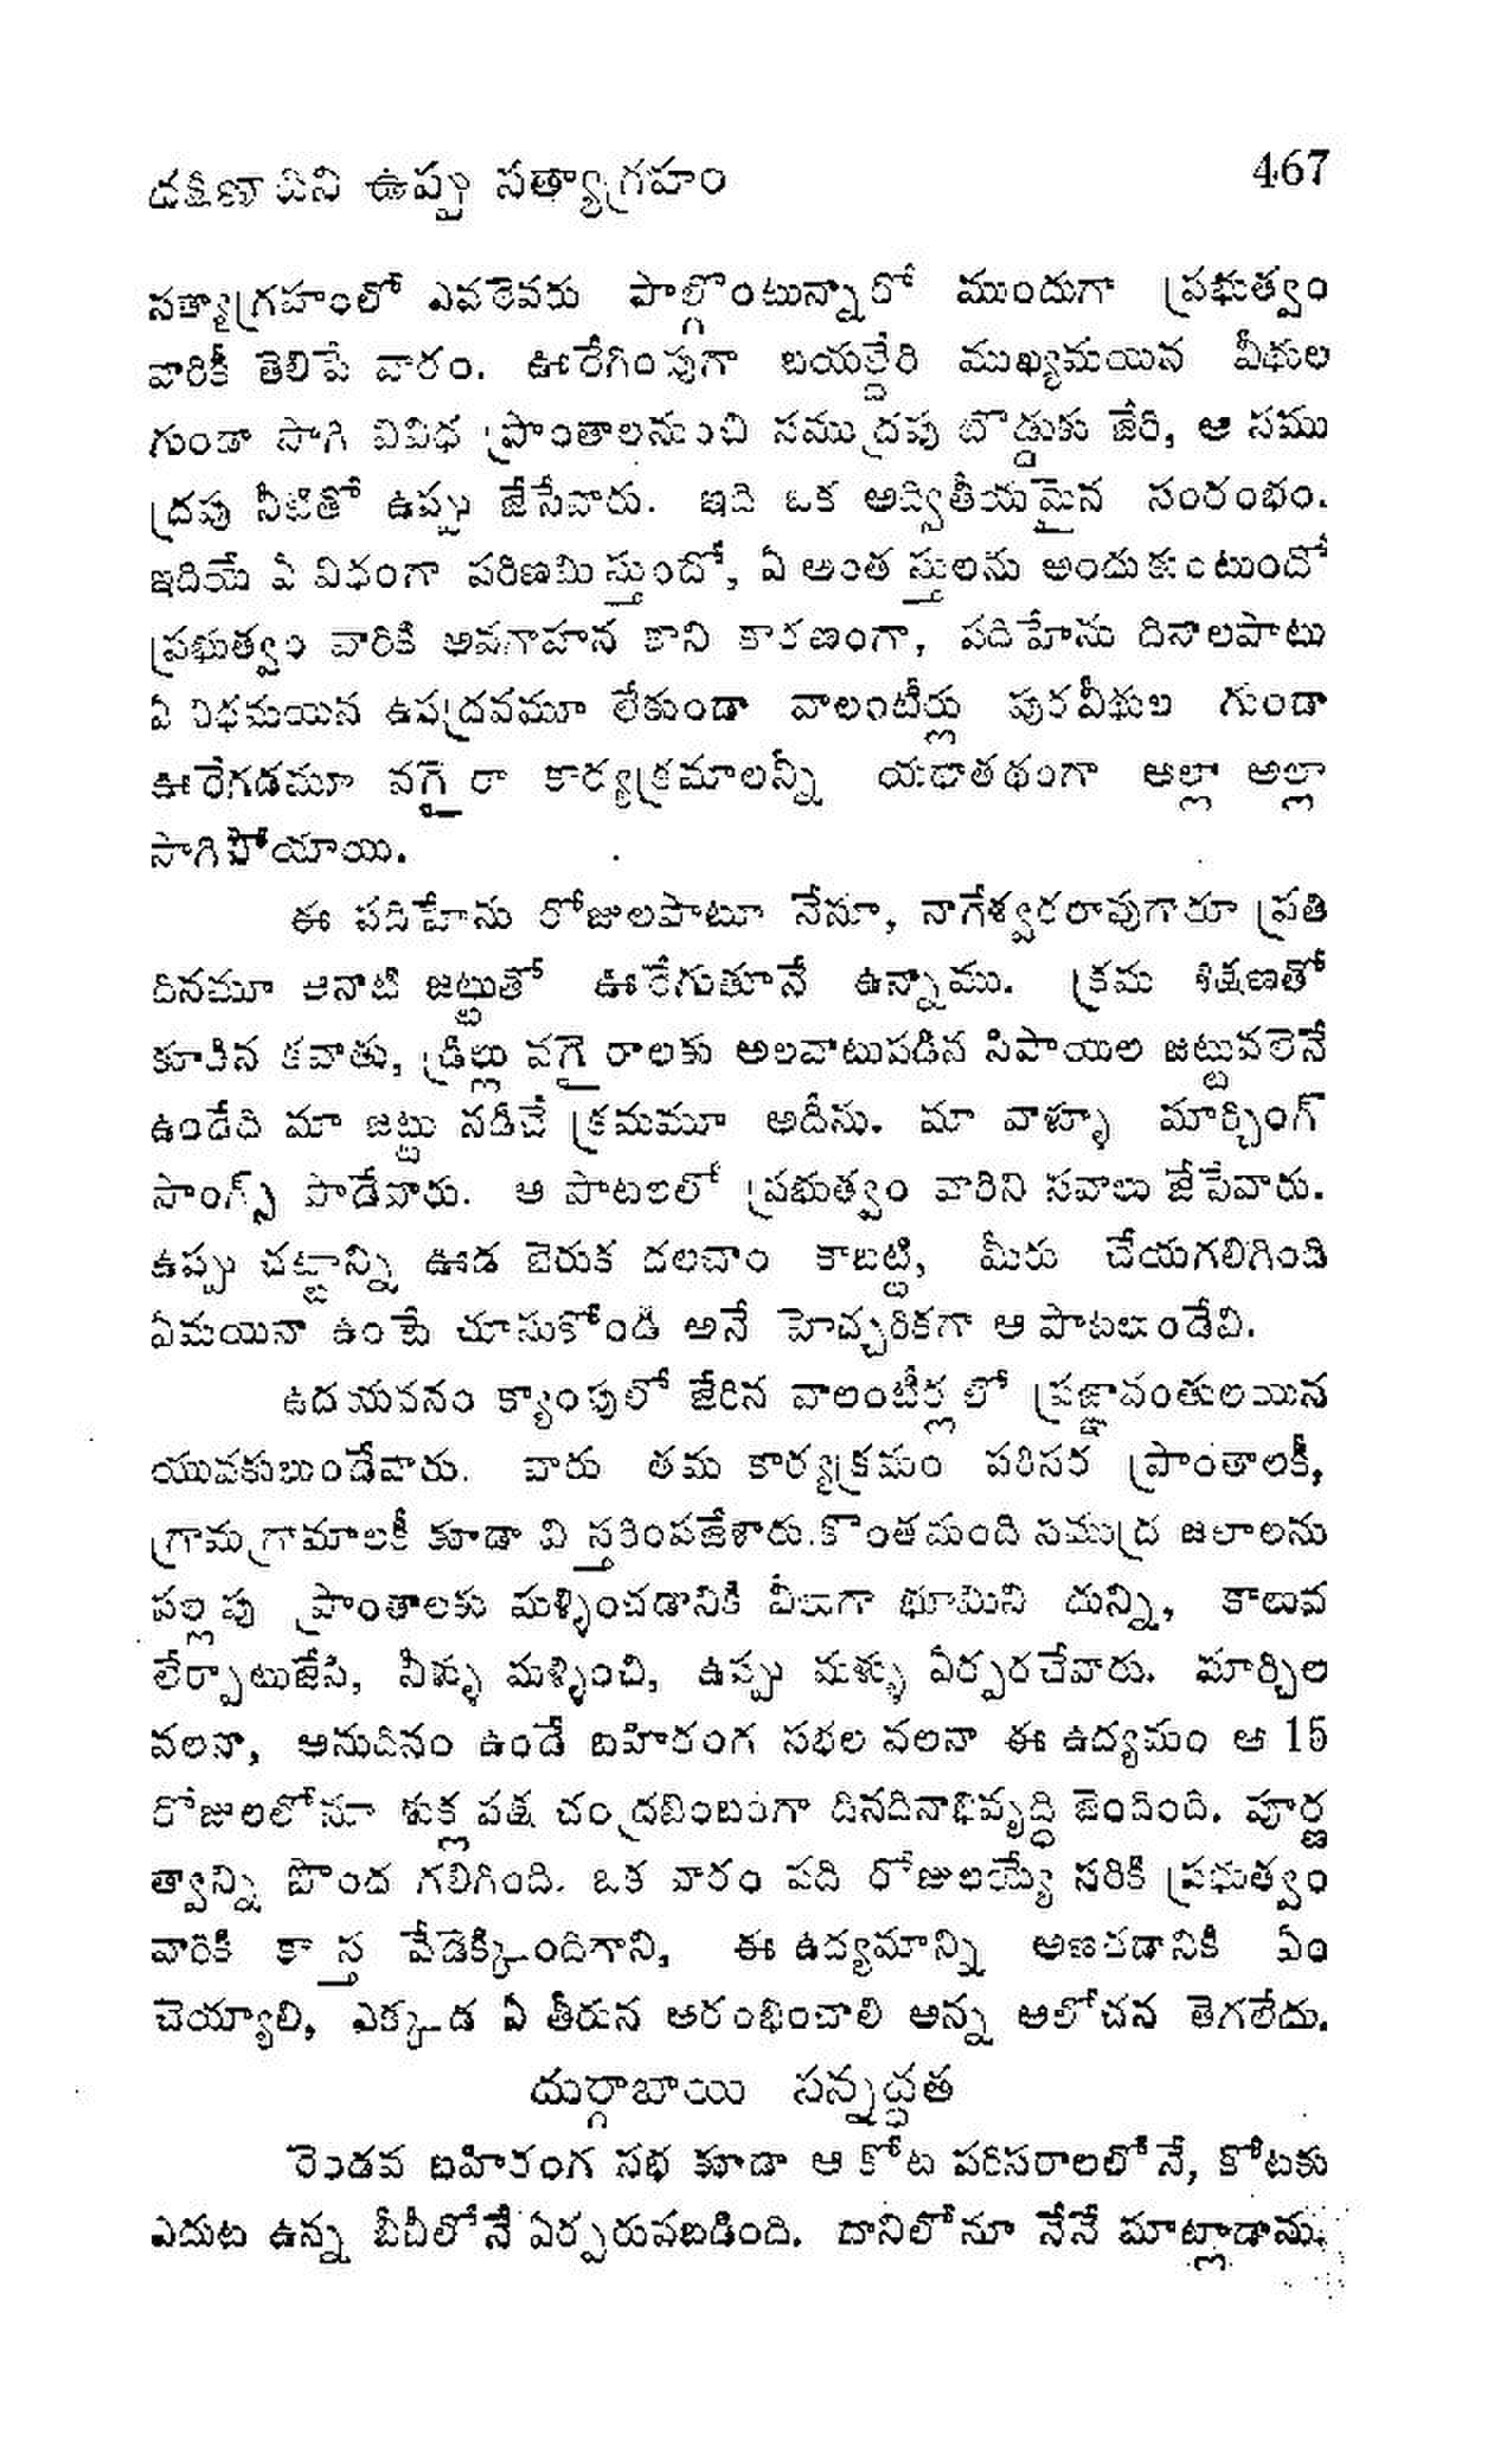సత్యాగ్రహంలో ఎవరెవరు పాల్గొంటున్నారో ముందుగా ప్రభుత్వం వారికీ తెలిపే వారం. ఊరేగింపుగా బయల్దేరి ముఖ్యమయిన వీథులగుండా సాగి వివిధ ప్రాంతాలనుంచి సముద్రపు టొడ్డుకు జేరి, ఆ సముద్రపు నీటితో ఉప్పు జేసేవారు. ఇది ఒక అద్వితీయమైన సంరంభం. ఇదియే ఏ విధంగా పరిణమిస్తుందో, ఏ అంతస్తులను అందుకుంటుందో ప్రభుత్వం వారికి అవగాహన కాని కారణంగా, పదిహేను దినాలపాటు ఏ విధమయిన ఉపద్రవమూ లేకుండా వాలంటీర్లు పురవీథుల గుండా ఊరేగడమూ వగైరా కార్యక్రమాలన్నీ యథాతథంగా అల్లా అల్లా సాగిపోయాయి. 

ఈ పదిహేను రోజులపాటూ నేనూ, నాగేశ్వరరావుగారూ ప్రతి దినమూ ఆనాటి జట్టుతో ఊరేగుతూనే ఉన్నాము. క్రమ శిక్షణతో కూడిన కవాతు, డ్రిల్లు వగైరాలకు అలవాటుపడిన సిపాయిల జట్టువలెనే ఉండేది మా జట్టు నడిచే క్రమమూ అదీను. మా వాళ్ళూ మార్చింగ్ సాంగ్స్ పాడేవారు. ఆ పాటలలో ప్రభుత్వం వారిని సవాలు జేసేవారు. ఉప్పు చట్టాన్ని ఊడ బెరుక దలచాం కాబట్టి, మీరు చేయగలిగింది ఏమయినా ఉంటే చూసుకోండి అనే హెచ్చరికగా ఆ పాటలుండేవి.

ఉదయవనం క్యాంపులో జేరిన వాలంటీర్లలో ప్రజ్ఞావంతులయిన యువకులుండేవారు. వారు తమ కార్యక్రమం పరిసర ప్రాంతాలకీ, గ్రామగ్రామాలకీ కూడా విస్తరింపజేశారు. కొంతమంది సముద్ర జలాలను పల్లపు ప్రాంతాలకు మళ్ళించడానికి వీలుగా భూమిని దున్ని, కాలువ లేర్పాటుజేసి, నీళ్ళు మళ్ళించి, ఉప్పు మళ్ళు ఏర్పరచేవారు. మార్చిల వలనా, అనుదినం ఉండే బహిరంగ సభల వలనా ఈ ఉద్యమం ఆ 15 రోజులలోనూ శుక్లపక్ష చంద్రబింబంగా దినదినాభివృద్ధి జెందింది. పూర్ణత్వాన్ని పొంద గలిగింది. ఒక వారం పది రోజులయ్యే సరికి ప్రభుత్వం వారికి కాస్త వేడెక్కిందిగాని, ఈ ఉద్యమాన్ని అణచడానికి ఏం చెయ్యాలి, ఎక్కడ ఏ తీరున ఆరంభించాలి అన్న ఆలోచన తెగలేదు.

రెండవ బహిరంగ సభ కూడా ఆ కోట పరిసరాలలోనే, కోటకు ఎదుట ఉన్న బీచీలోనే ఏర్పరుపబడింది. దానిలోనూ నేనే మాట్లాడాను.